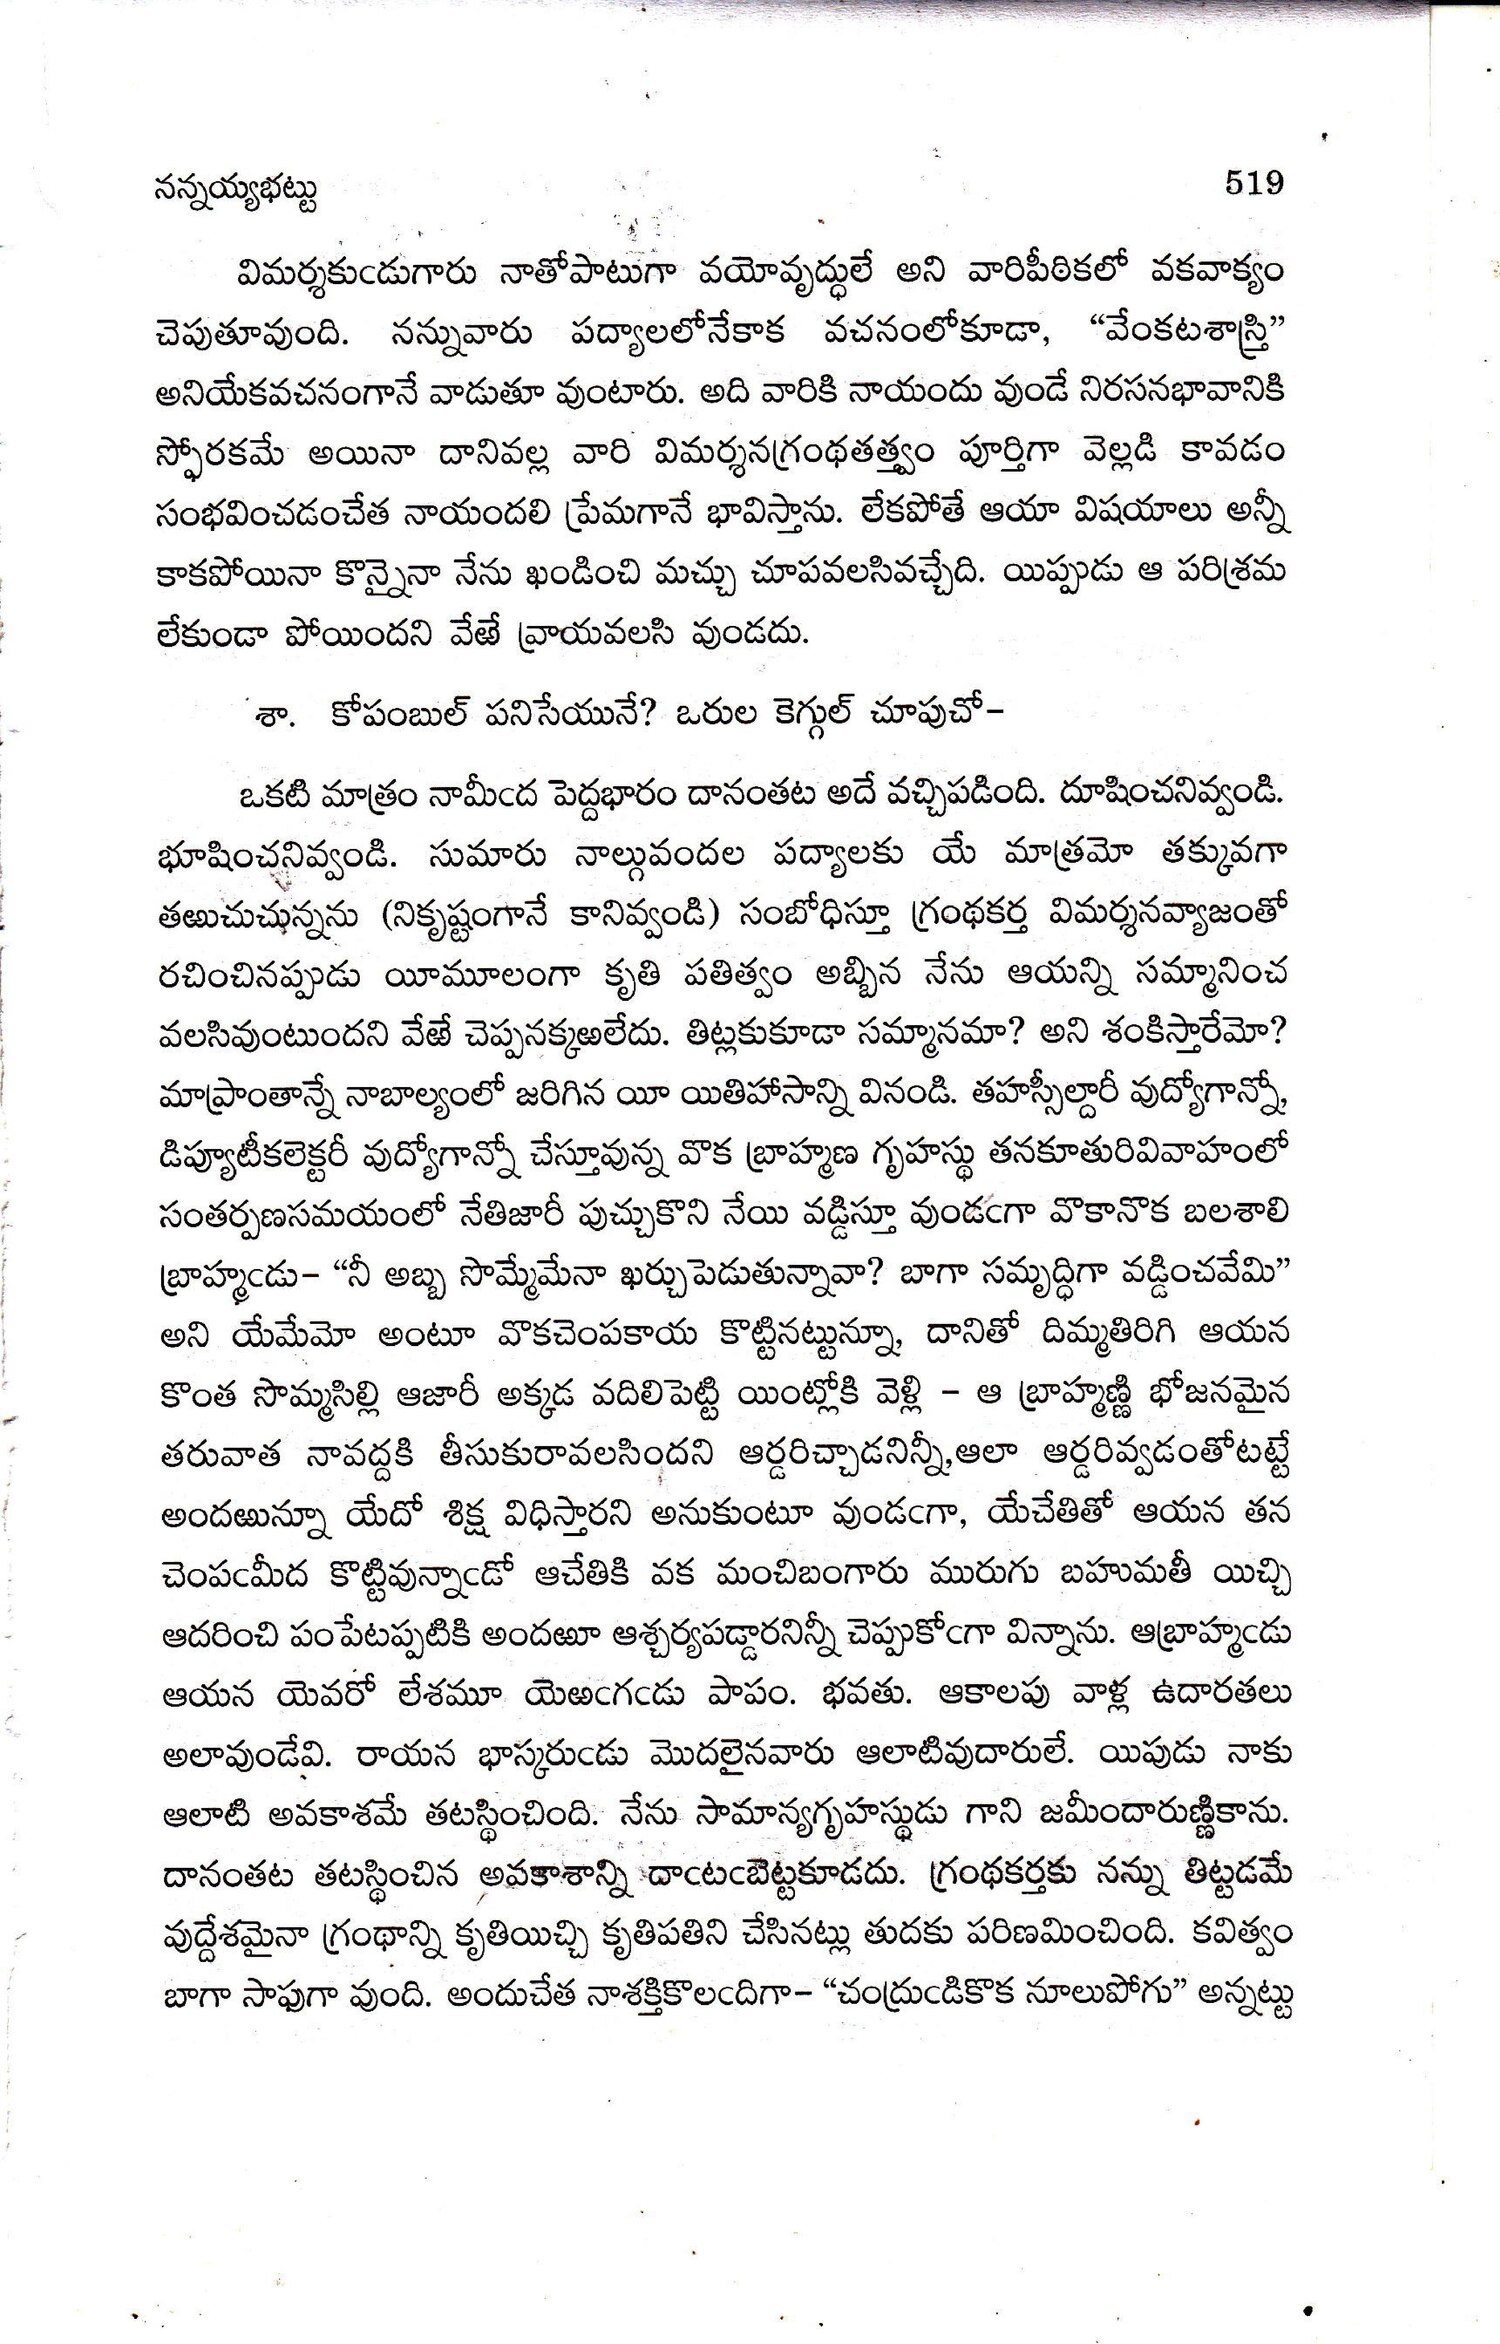విమర్శకుఁడుగారు నాతోపాటుగా వయోవృద్దులే అని వారిపీఠికలో వకవాక్యం చెపుతూవుంది. నన్నువారు పద్యాలలోనేకాక వచనంలోకూడా, "వేంకటశాస్త్రి" అనియేకవచనంగానే వాడుతూ వుంటారు. అది వారికి నాయందు వుండే నిరసనభావానికి స్ఫోరకమే అయినా దానివల్ల వారి విమర్శనగ్రంథతత్త్వం పూర్తిగా వెల్లడి కావడం సంభవించడంచేత నాయందలి ప్రేమగానే భావిస్తాను. లేకపోతే ఆయా విషయాలు అన్నీ కాకపోయినా కొన్నైనా నేను ఖండించి మచ్చు చూపవలసివచ్చేది. యిప్పడు ఆ పరిశ్రమ లేకుండా పోయిందని వేఱే వ్రాయవలసి వుండదు.

శా. కోపంబుల్ పనిసేయునే? ఒరుల కెగ్గుల్ చూపుచో-
ఒకటి మాత్రం నామీఁద పెద్దభారం దానంతట అదే వచ్చిపడింది. దూషించనివ్వండి. భూషించనివ్వండి. సుమారు నాల్గువందల పద్యాలకు యే మాత్రమో తక్కువగా తఱుచుచున్నను (నికృష్టంగానే కానివ్వండి) సంబోధిస్తూ గ్రంథకర్త విమర్శనవ్యాజంతో రచించినప్పుడు యీమూలంగా కృతి పతిత్వం అబ్బిన నేను ఆయన్ని సమ్మానించ వలసివుంటుందని వేఱే చెప్పనక్కఱలేదు. తిట్లకుకూడా సమ్మానమా? అని శంకిస్తారేమో? మాప్రాంతాన్నే నాబాల్యంలో జరిగిన యీ యితిహాసాన్ని వినండి. తహస్సీల్దారీ వుద్యోగాన్నో డిప్యూటీకలెక్టరీ వుద్యోగాన్నో చేస్తూవున్న వొక బ్రాహ్మణ గృహస్థు తనకూతురివివాహంలో సంతర్పణసమయంలో నేతిజారీ పుచ్చుకొని నేయి వడ్డిస్తూ వుండఁగా వొకానొక బలశాలి బ్రాహ్మఁడు- "నీ అబ్బ సొమ్మేమేనా ఖర్చుపెడుతున్నావా? బాగా సమృద్ధిగా వడ్డించవేమి" అని యేమేమో అంటూ వొకచెంపకాయ కొట్టినట్టున్నూ, దానితో దిమ్మతిరిగి ఆయన కొంత సొమ్మసిల్లి ఆజారీ అక్కడ వదిలిపెట్టి యింట్లోకి వెళ్లి - ఆ బ్రాహ్మణ్ణి భోజనమైన తరువాత నావద్దకి తీసుకురావలసిందని ఆర్డరిచ్చాడనిన్నీఆలా ఆర్డరివ్వడంతోటట్టే అందఱున్నూ యేదో శిక్ష విధిస్తారని అనుకుంటూ వుండఁగా, యేచేతితో ఆయన తన చెంపఁమీద కొట్టివున్నాఁడో ఆచేతికి వక మంచిబంగారు మురుగు బహుమతీ యిచ్చి ఆదరించి పంపేటప్పటికి అందఱూ ఆశ్చర్యపడ్డారనిన్నీ చెప్పకోఁగా విన్నాను. ఆబ్రాహ్మఁడు ఆయన యెవరో లేశమూ యెఱఁగఁడు పాపం. భవతు. ఆకాలపు వాళ్ల ఉదారతలు అలావుండేవి. రాయన భాస్కరుఁడు మొదలైనవారు ఆలాటివుదారులే. యిపుడు నాకు ఆలాటి అవకాశమే తటస్థించింది. నేను సామాన్యగృహస్టుడు గాని జమీందారుణ్ణికాను. దానంతట తటస్థించిన అవకాశాన్ని దాఁటఁబెట్టకూడదు. గ్రంథకర్తకు నన్ను తిట్టడమే వుద్దేశమైనా గ్రంథాన్ని కృతియిచ్చి కృతిపతిని చేసినట్లు తుదకు పరిణమించింది. కవిత్వం బాగా సాఫుగా వుంది. అందుచేత నాశక్తికొలఁదిగా- "చంద్రుఁడికొక నూలుపోగు" అన్నట్టు